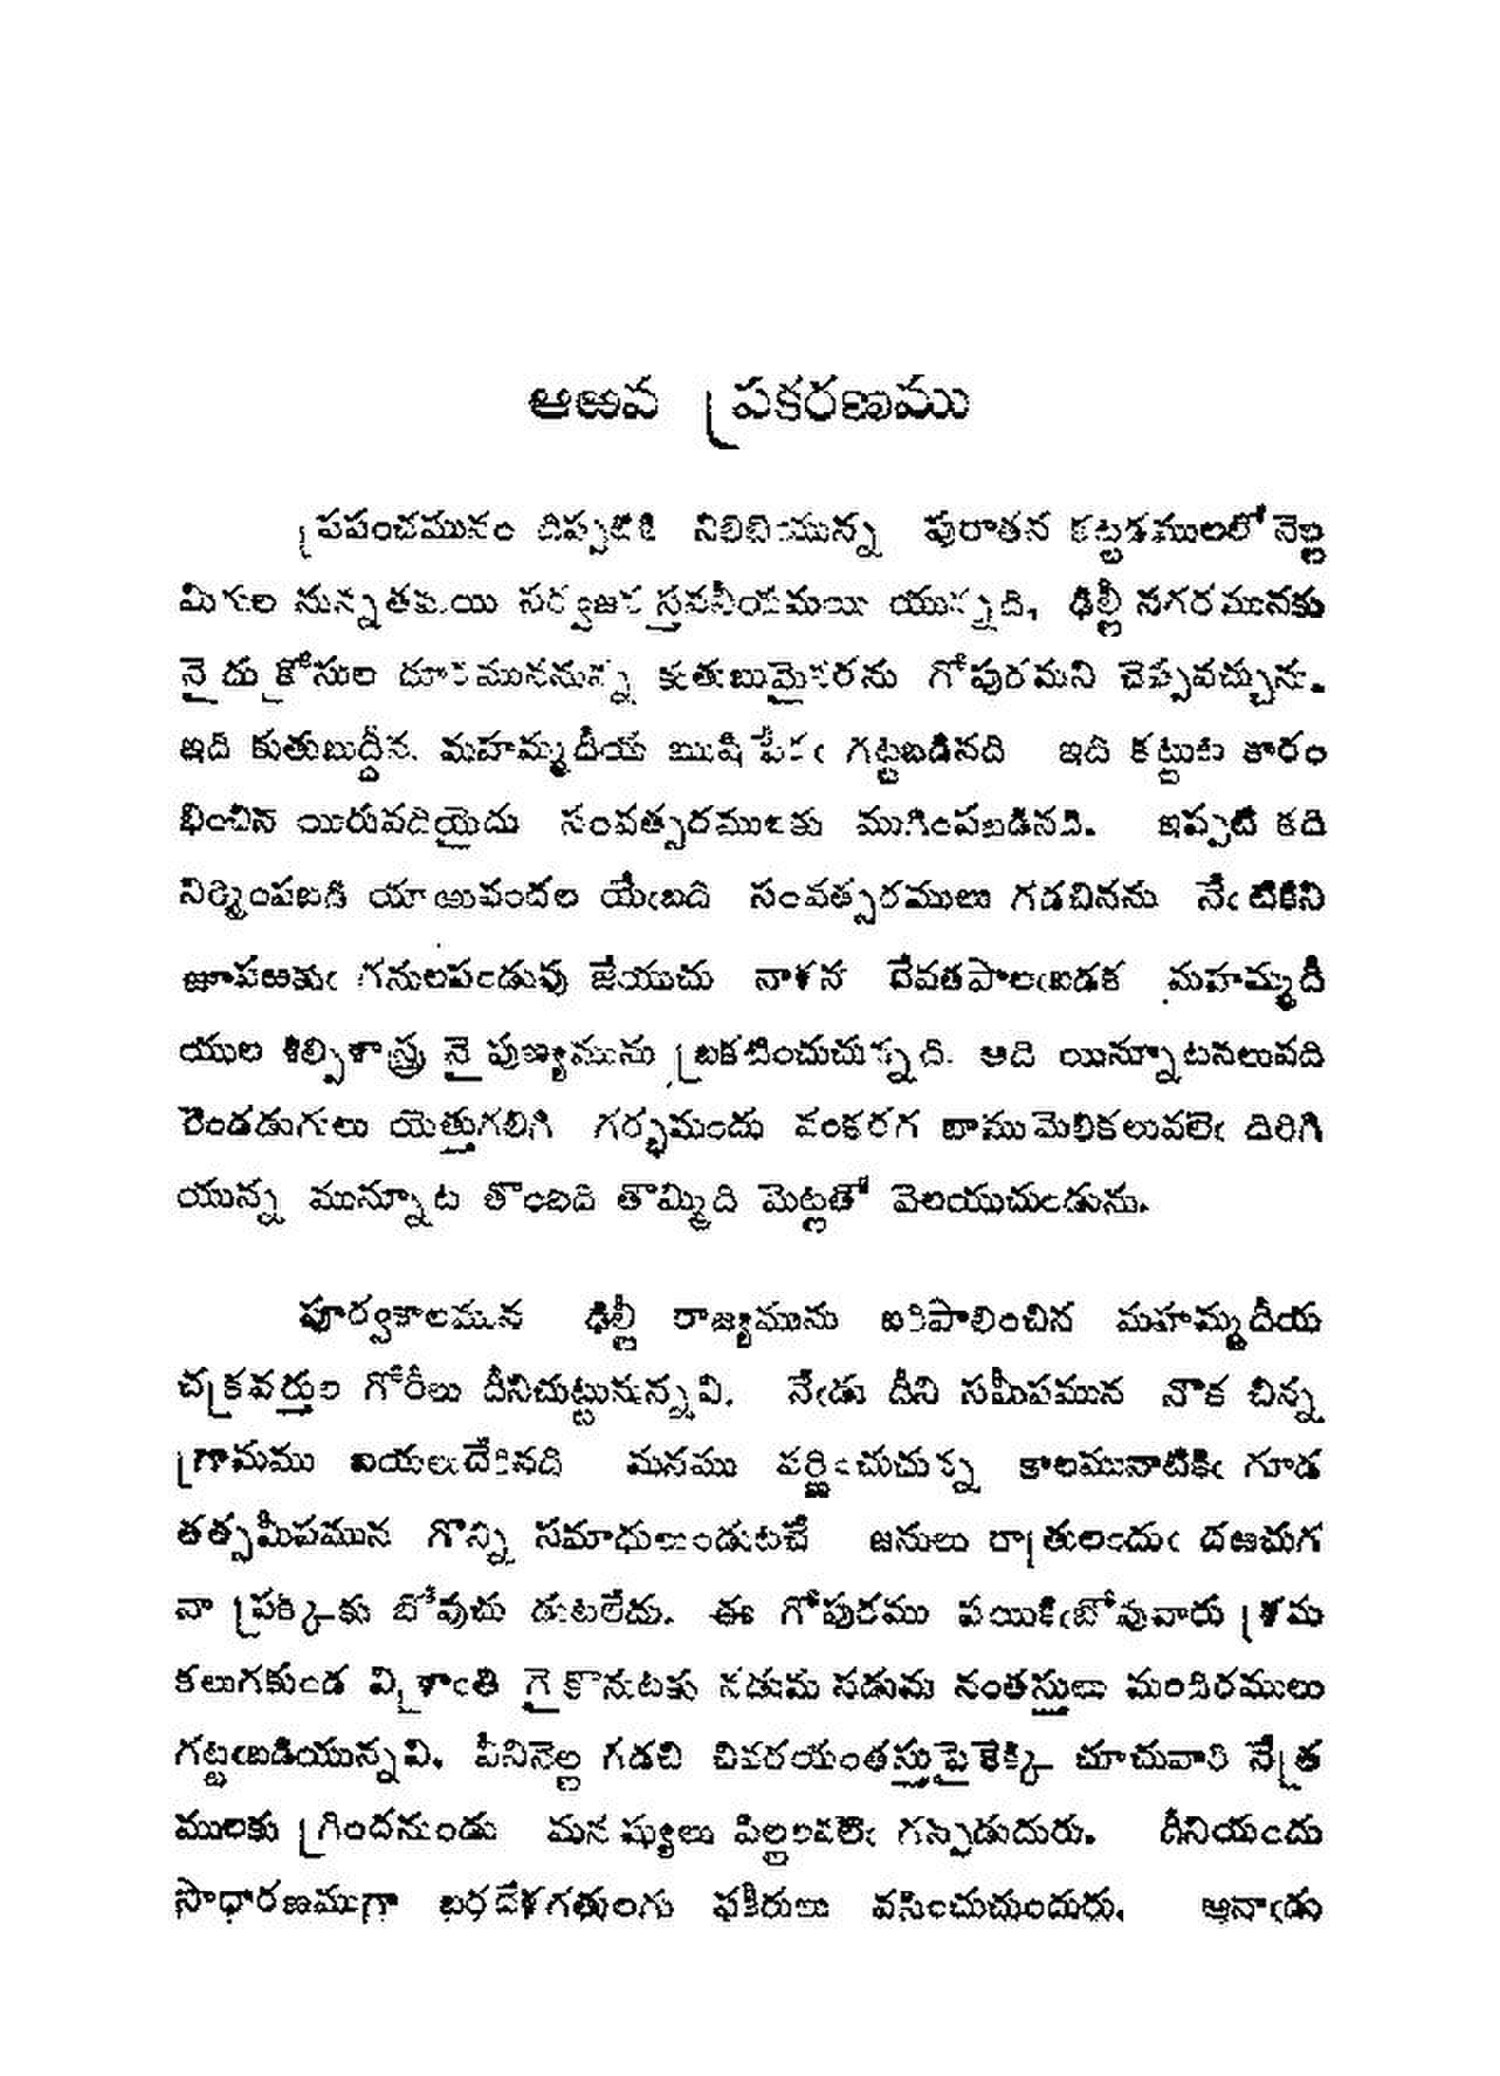ప్రపంచమునం దిప్పటికి నిలిచియున్న పురాతన కట్టడములలో నెల్ల మిగుల నున్నతమయి సర్వజనస్తవనీయమయి యున్నది, ఢిల్లీ నగరమునకు నైదు క్రోసుల దూరముననున్న కుతుబుమైనరను గోపురమని చెప్పవచ్చును. ఇది కుతుబుద్దీను, మహమ్మదీయ ఋషి పేరఁ గట్టబడినది. ఇది కట్టుట కారంభించిన యిరువదియైదు సంవత్సరములకు ముగింపబడినది. ఇప్పటి కది నిర్మింపబడి యాఱువందల యేఁబది సంవత్సరములు గడచినను నేఁటికిని జూపఱకుఁ గనులపండువు జేయుచు నాశన దేవతపాలఁబడక మహమ్మదీయుల శిల్పిశాస్త్ర నైపుణ్యమును బ్రకటించుచున్నది. అది యిన్నూటనలువది రెండడుగులు యెత్తుగలిగి గర్భమందు వంకరగ బాము మెలికలువలెఁ దిరిగి యున్న మున్నూట తొంబది తొమ్మిది మెట్లతో వెలయుచుండును.

పూర్వకాలమున ఢిల్లీ రాజ్యమును బరిపాలించిన మహమ్మదీయ చక్రవర్తుల గోరీలు దీనిచుట్టునన్నవి. నేఁడు దీని సమీపమున నొక చిన్న గ్రామము బయలు దేరినది. మనము వర్ణించుచున్న కాలమునాటికిఁ గూడ తత్సమీపమున గొన్ని సమాధులుండుటచే జనులు రాత్రులందుఁ దఱచుగ నా ప్రక్కకు బోవుచుండుటలేదు. ఈ గోపురము పయికిఁబోవువారు శ్రమ కలుగకుండ విశ్రాంతి గైకొనుటకు నడుమ నడుము నంతస్తులు మందిరములు గట్టఁబడియున్నవి. వీనినెల్ల గడచి చివరయంతస్తు పైకెక్కి చూచువారి నేత్రములకు గ్రిందనుండు మనష్యులు పిల్లలవలెఁ గన్పడుదురు. దీనియందు సాధారణముగా బరదేశగతులగు ఫకీరులు వసించుచుందురు. ఆనాఁడు